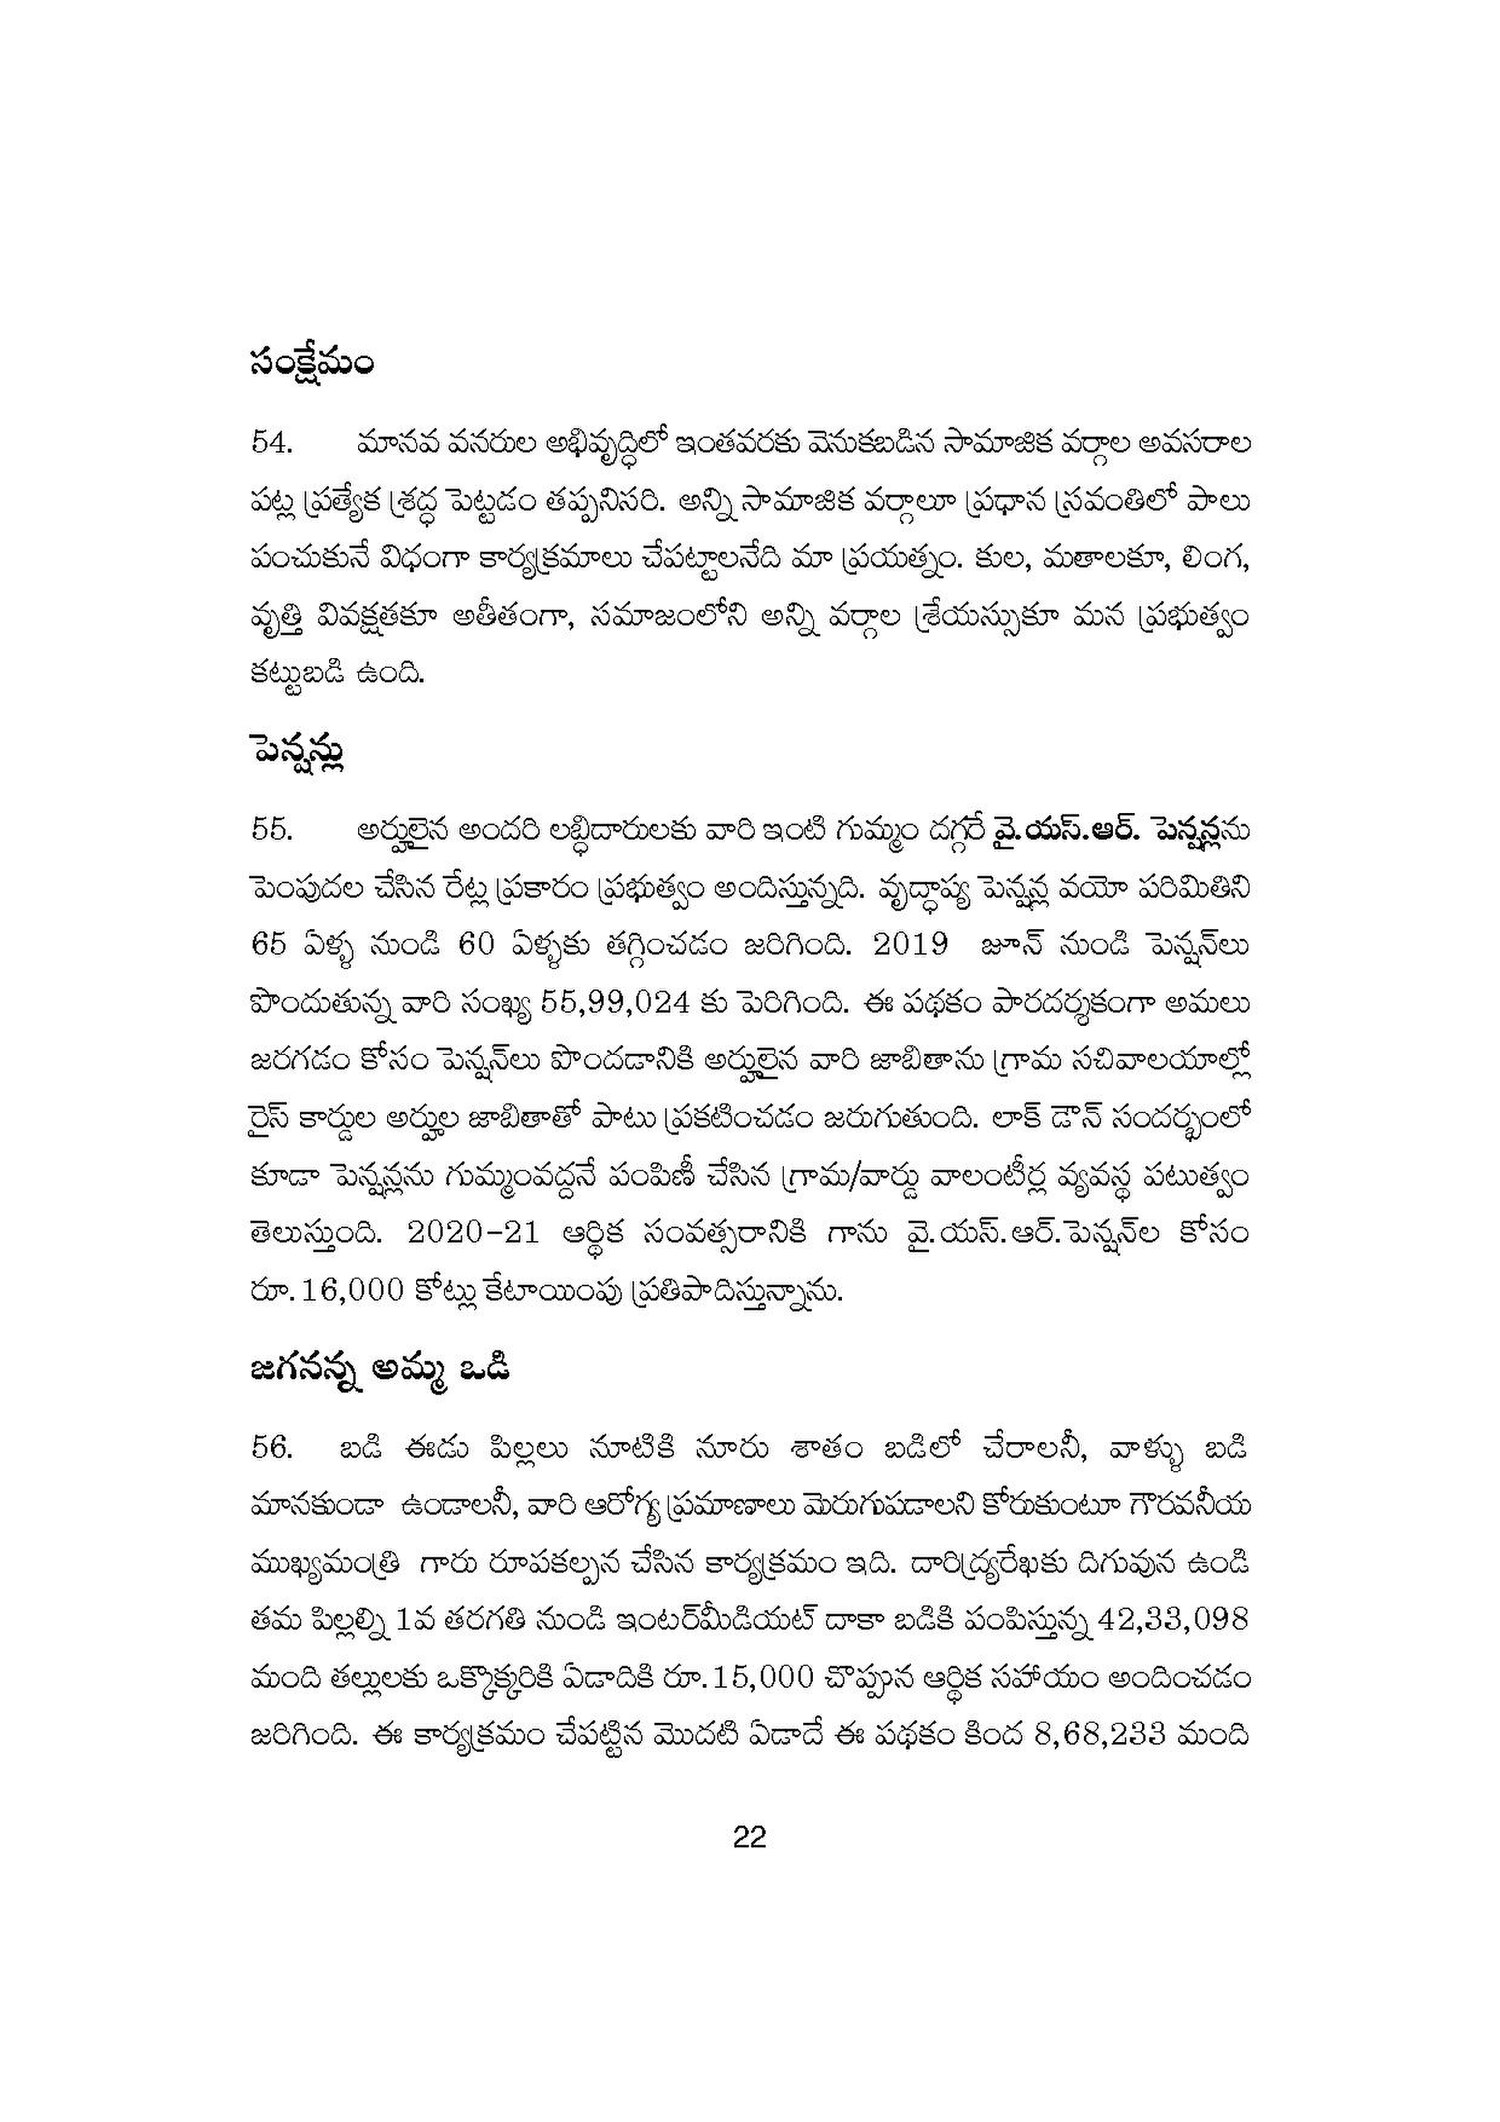సంక్షేమం

54. మానవ వనరుల అభివృద్ధిలో ఇంతవరకు వెనుకబడిన సామాజిక వర్గాల అవసరాల పట్ల ప్రత్యేక శ్రద్ధ పెట్టడం తప్పనిసరి. అన్ని సామాజిక వర్గాలూ ప్రధాన స్రవంతిలో పాలు పంచుకునే విధంగా కార్యక్రమాలు చేపట్టాలనేది మా ప్రయత్నం. కుల, మతాలకూ, లింగ, వృత్తి వివక్షతకూ అతీతంగా, సమాజంలోని అన్ని వర్గాల శ్రేయస్సుకూ మన ప్రభుత్వం కట్టుబడి ఉంది. పెన్షన్లు 

55. అర్హులైన అందరి లబ్ధిదారులకు వారి ఇంటి గుమ్మం దగ్గరే వై.యస్.ఆర్. పెన్షన్లను పెంపుదల చేసిన రేట్ల ప్రకారం ప్రభుత్వం అందిస్తున్నది. వృద్ధాప్య పెన్షన్ల వయో పరిమితిని 65 ఏళ్ళ నుండి 60 ఏళ్ళకు తగ్గించడం జరిగింది. 2019 జూన్ నుండి పెన్షన్లు పొందుతున్న వారి సంఖ్య 55,99,024 కు పెరిగింది. ఈ పథకం పారదర్శకంగా అమలు జరగడం కోసం పెన్షన్లు పొందడానికి అర్హులైన వారి జాబితాను గ్రామ సచివాలయాల్లో
రైస్ కార్డుల అర్హుల జాబితాతో పాటు ప్రకటించడం జరుగుతుంది. లాక్ డౌన్ సందర్భంలో కూడా పెన్షన్లను గుమ్మంవద్దనే పంపిణీ చేసిన గ్రామ/వార్డు వాలంటీర్ల వ్యవస్థ పటుత్వం తెలుస్తుంది. 2020-21 ఆర్థిక సంవత్సరానికి గాను వై.యస్.ఆర్. పెన్షన్ కోసం రూ.16,000 కోట్లు కేటాయింపు ప్రతిపాదిస్తున్నాను. 

జగనన్న అమ్మ ఒడి 
56. బడి ఈడు పిల్లలు నూటికి నూరు శాతం బడిలో చేరాలనీ, వాళ్ళు బడి మానకుండా ఉండాలనీ, వారి ఆరోగ్య ప్రమాణాలు మెరుగుపడాలని కోరుకుంటూ గౌరవనీయ ముఖ్యమంత్రి గారు రూపకల్పన చేసిన కార్యక్రమం ఇది. దారిద్ర్యరేఖకు దిగువున ఉండి తమ పిల్లల్ని 1వ తరగతి నుండి ఇంటర్మీడియట్ దాకా బడికి పంపిస్తున్న 42,33,098
మంది తల్లులకు ఒక్కొక్కరికి ఏడాదికి రూ.15,000 చొప్పున ఆర్థిక సహాయం అందించడం జరిగింది. ఈ కార్యక్రమం చేపట్టిన మొదటి ఏడాదే ఈ పథకం కింద 8,68,233 మంది